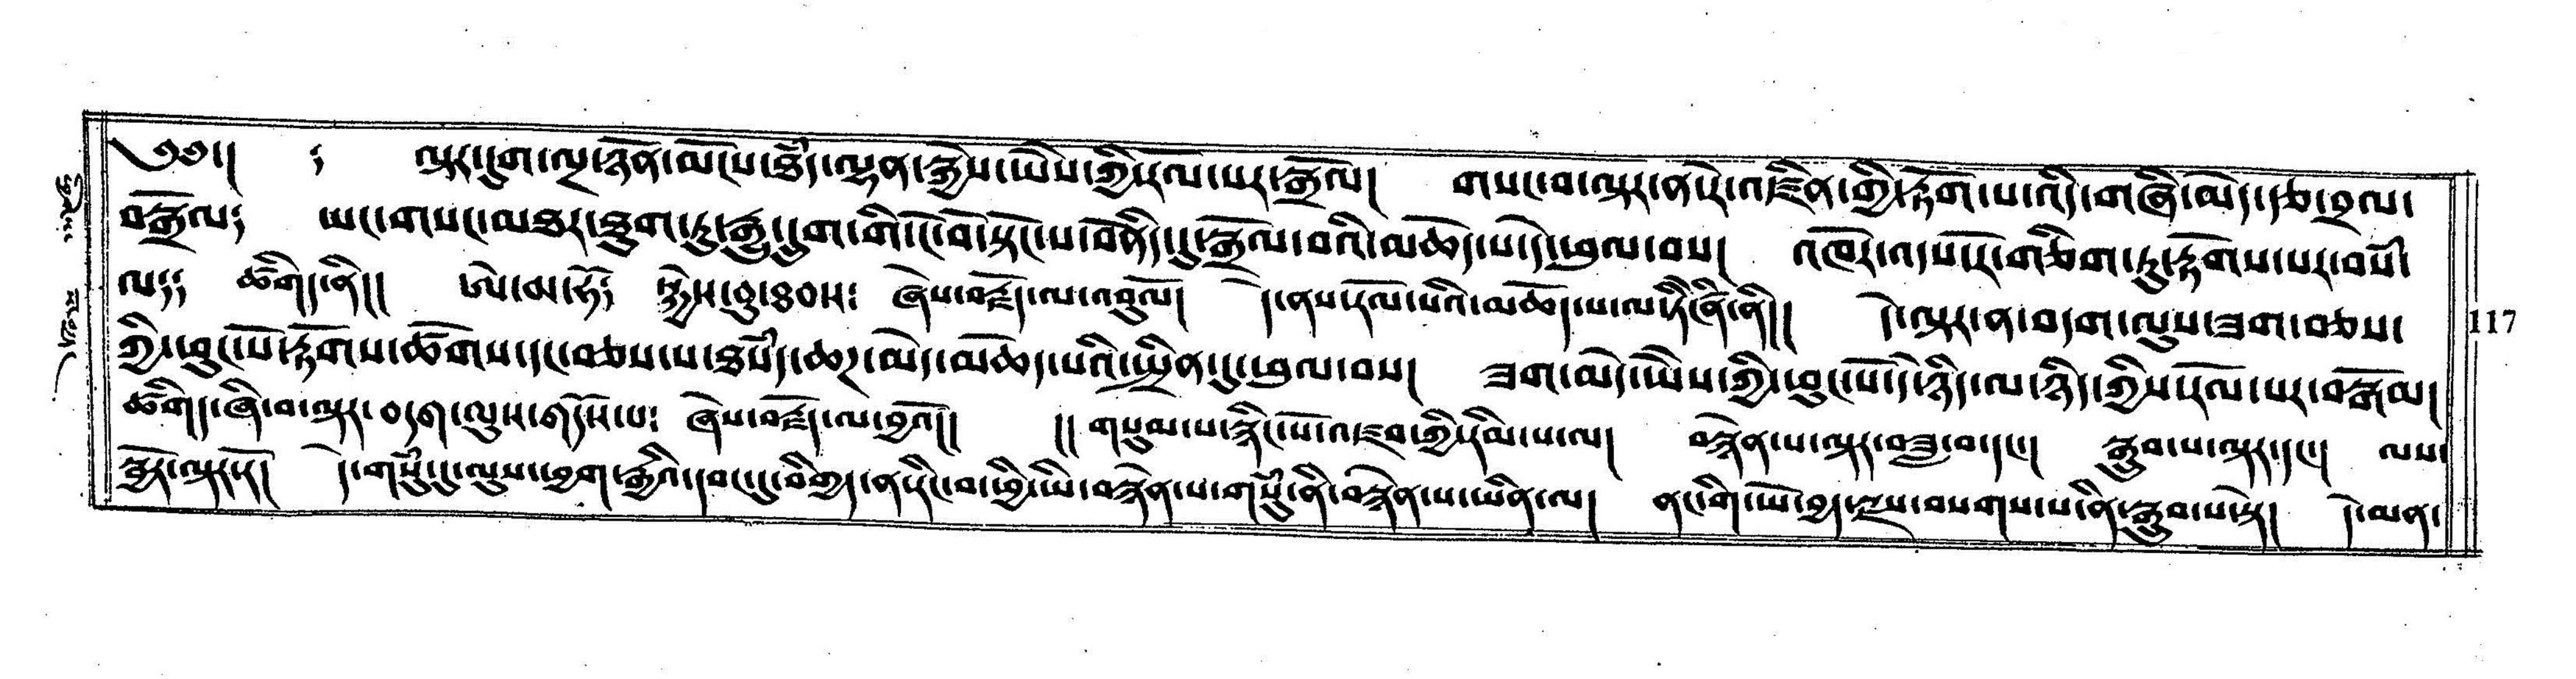ལྟར་དུག་ལྔ་ཉོན་མོངས་ཐམས་ཅད་ལྷན་སྐྱེས་ཡེ་ཤེས་ཀྱི་རོལ་པར་སྒྲོལ། གསང་བ་ལྟར་ན་རེ་འཛིན་གྱི་རྟོག་པ་འདི་གཞི་མེད་རྩ་བྲལ་
བསྒྲོལ། ཡང་གསང་མཐར་ཐུག་ཏུ་རྒྱུ་དྲུག་གི་ངོ་བོ་སྟོང་པ་བོན་ཉིད་དུ་སྒྲོལ་བའི་མཆོད་པ་དེ་ཕུལ་བས། འཁོར་འདས་རོ་གཅིག་ཏུ་རྟོགས་པར་བསམ་
ལ།། ཚིག་བཤད་ནི།། ཨེ་མ་ཧོ སྐྱེས་བུ་ཐབས༴ ཞེས་བརྗོད་ལ་འབུལ་ལོ། དེ་ནས་རོལ་པའི་མཆོད་པ་ལ་ཏིང་ངེ་འཛིན་ནི།། དེ་ལྟར་ན་བདག་ལུས་ཟག་བཅས་
ཀྱི་ཕུང་པོ་རྟོགས་ཚོགས་དང་བཅས་པ་ཐམས་ཅད་ཆགས་མེད་མཆོད་པའི་སྤྲིན་དུ་ཕུལ་བས། ཟག་མེད་ཡེ་ཤེས་ཀྱི་ཕུང་པོ་དེ་ཉིད་ལ་ཉིད་ཀྱིས་རོལ་པར་བསྒོམ། 
ཚིག་བཤད་ཞི་བ་ལྟར་བདག་ལུས་གདོས་པ༴ ཞེས་བརྗོད་ལ་བྱའོ།། །།གསུམ་པ་སྙིང་པོ་འཛབ་ཀྱི་རིམ་པ་ལ། བསྙེན་པ་ལྟར་བཟླ་བ་དང་། སྒྲུབ་པ་ལྟར་དང་། ལས་
སྦྱོར་ལྟར་རོ། དེ་གསུམ་དུ་ལུས་ཕྱག་རྒྱའི་དབང་དུ་བགྱིད་ན་རིང་བ་ཕྱི་ཡི་བསྙེན་པ་གསུམ་ནི་བསྙེན་པ་ཡིན་ལ། ནང་གི་ཡོ་བྱད་རྫས་བསགས་པ་ནི་སྒྲུབ་པ་སྟེ། དེ་མན་